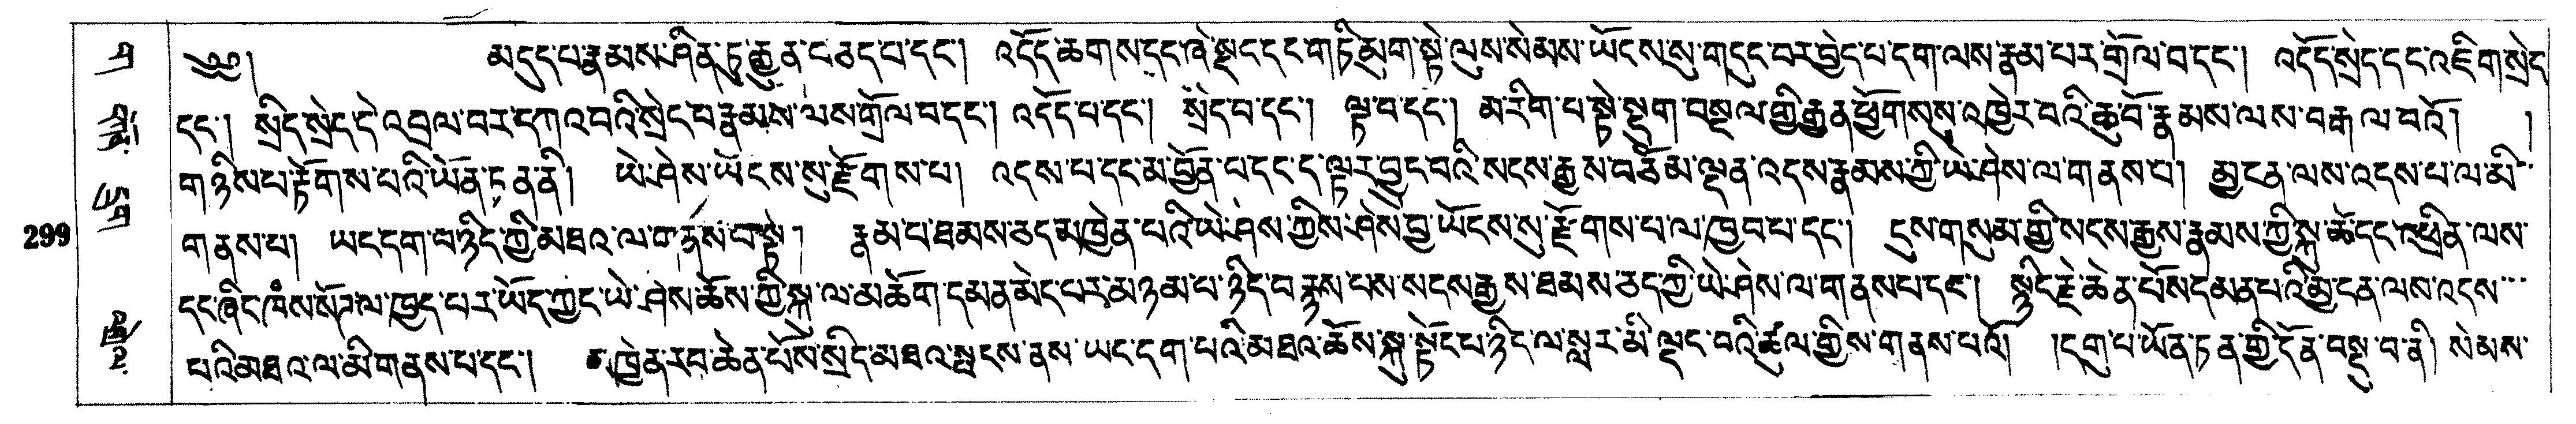༄༅། །མདུད་པ་རྣམས་ཤིན་ཏུ་རྒྱུན་བཅད་པ་དང་། འདོད་ཆགས་དང་ཞེ་སྡང་དང་གཏི་མུག་སྟེ་ལུས་སེམས་ཡོངས་སུ་གདུང་བར་བྱེད་པ་དག་ལས་རྣམ་པར་གྲོལ་བ་དང་། འདོད་སྲེད་དང་འཇིག་སྲེད་
དང་། སྲིད་སྲེད་དེ་འབྲལ་བར་དཀའ་བའི་སྲེད་པ་རྣམས་ལས་གྲོལ་བ་དང་། འདོད་པ་དང་། སྲིད་པ་དང་། ལྟ་བ་དང་། མ་རིག་པ་སྟེ་སྡུག་བསྔལ་གྱི་རྒྱན་ཕྱོགས་འཁྱེར་བའི་ཆུ་བོ་རྣམས་ལས་བརྒལ་བའོ། །
གཉིས་པ་རྟོགས་པའི་ཡོན་ཏན་ནི། ཡེ་ཤེས་ཡོངས་སུ་རྫོགས་པ། འདས་པ་དང་མ་བྱོན་པ་དང་ད་ལྟར་བྱུང་བའི་སངས་རྒྱས་བཅོམ་ལྡན་འདས་རྣམས་ཀྱི་ཡེ་ཤེས་ལ་གནས་པ། མྱ་ངན་ལས་འདས་པ་ལ་མི་
གནས་པ། ཡང་དག་པ་ཉིད་ཀྱི་མཐའ་ལ་གནས་པ་སྟེ། རྣམ་པ་ཐམས་ཅད་མཁྱེན་པའི་ཡེ་ཤེས་ཀྱིས་ཤེས་བྱ་ཡོངས་སུ་རྫོགས་པ་ལ་ཁྱབ་པ་དང་། དུས་གསུམ་གྱི་སངས་རྒྱས་རྣམས་ཀྱི་སྐུ་ཚེ་དང་འཕྲིན་ལས་
དང་ཞིང་ཁམས་སོགས་ལ་ཁྱད་པར་ཡོད་ཀྱང་ཡེ་ཤེས་ཆོས་ཀྱི་སྐུ་ལ་མཆོག་དམན་མེད་པར་མཉམ་པ་ཉིད་བརྙས་པས་སངས་རྒྱས་ཐམས་ཅད་ཀྱི་ཡེ་ཤེས་ལ་གནས་པ་དང་། སྙིང་རྗེ་ཆེན་པོས་དམན་པའི་མྱ་ངན་ལས་འདས་
པའི་མཐའ་ལ་མི་གནས་པ་དང་། མཁྱེན་རབ་ཆེན་པོས་སྲིད་མཐའ་སྤངས་ནས་ཡང་དག་པའི་མཐའ་ཆོས་སྐུ་སྟོང་པ་ཉིད་ལ་སླར་མི་ལྡང་བའི་ཚུལ་གྱིས་གནས་པའོ། །དགུ་པ་ཡོན་ཏན་གྱི་དོན་བསྡུ་བ་ནི། སེམས་